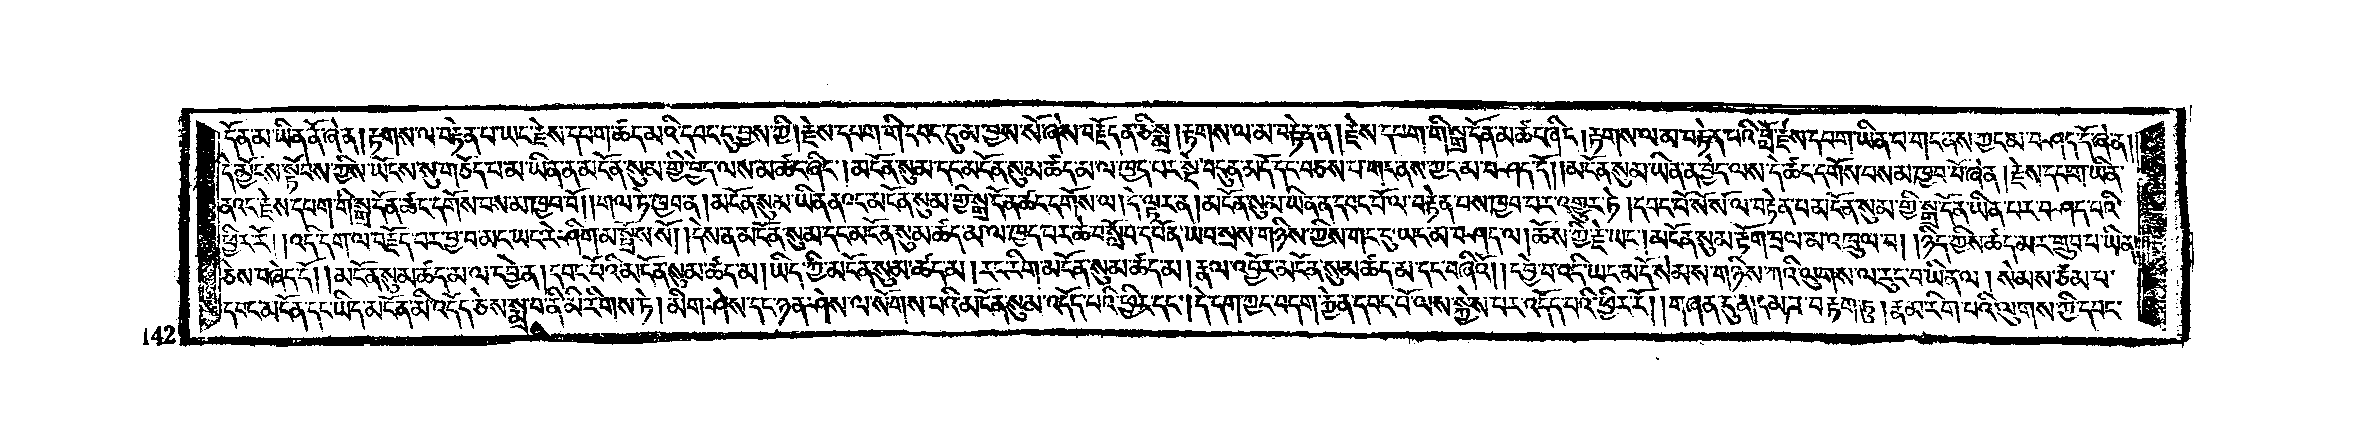དོན་མ་ཡིན་ནོ་ཞེ་ན། རྟགས་ལ་བརྟེན་པ་ཡང་རྗེས་དཔག་ཚད་མའི་དབང་དུ་བྱས་ཀྱི། རྗེས་དཔག་གི་དབང་དུ་མ་བྱས་སོ་ཞེས་བརྗོད་ན་ཅི་སྨྲ། རྟགས་ལ་མ་བརྟེན་ན། རྗེས་དཔག་གི་སྒྲ་དོན་མཚང་ཞིང་། རྟགས་ལ་མ་བརྟེན་པའི་བློ་རྗེས་དཔག་ཡིན་པ་གང་ནས་ཀྱང་མ་བཤད་དོ་ཞེ་ན། །
དེ་མྱོངས་སྟོབས་ཀྱིས་ཡོངས་སུ་གཅོད་པ་མ་ཡིན་ན་མངོན་སུམ་གྱི་བྱེད་ལས་མ་ཚང་ཞིང་། མངོན་སུམ་དང་མངོན་སུམ་ཚད་མ་ལ་ཁྱད་པར་སྡེ་བདུན་མདོ་དང་བཅས་པ་གང་ནས་ཀྱང་མ་བཤད་དོ། །མངོན་སུམ་ཡིན་ན་བྱེད་ལས་དེ་ཚང་དགོས་པས་མ་ཁྱབ་བོ་ཞེ་ན། རྗེས་དཔག་ཡིན་
ནའང་རྗེས་དཔག་གི་སྒྲ་དོན་ཚང་དགོས་པས་མ་ཁྱབ་བོ། །གལ་ཏེ་ཁྱབ་ན། མངོན་སུམ་ཡིན་ནའང་མངོན་སུམ་གྱི་སྒྲ་དོན་ཚང་དགོས་ལ། དེ་ལྟར་ན། མངོན་སུམ་ཡིན་ན་དབང་པོ་ལ་བརྟེན་པས་ཁྱབ་པར་འགྱུར་ཏེ། དབང་པོ་སོ་སོ་ལ་བརྟེན་པ་མངོན་སུམ་གྱི་སྒྲ་དོན་ཡིན་པར་བཤད་པའི་
ཕྱིར་རོ། །འདི་དག་ལ་བརྗོད་པར་བྱ་བ་མང་ཡང་རེ་ཤིག་མ་སྤྲོས་སོ། །དེས་ན་མངོན་སུམ་དང་མངོན་སུམ་ཚད་མ་ལ་ཁྱད་པར་ཆེ་བ་སློབ་དཔོན་ཡབ་སྲས་གཉིས་ཀྱིས་གང་དུ་ཡང་མ་བཤད་ལ། ཆོས་ཀྱི་རྗེ་ཡང་། མངོན་སུམ་རྟོག་བྲལ་མ་འཁྲུལ་བ། །ཉིད་ཀྱིས་ཚད་མར་གྲུབ་པ་ཡིན་
ཅེས་བཞེད་དོ། །མངོན་སུམ་ཚད་མ་ལ་དབྱེ་ན། དབང་པོའི་མངོན་སུམ་ཚད་མ། ཡིད་ཀྱི་མངོན་སུམ་ཚད་མ། རང་རིག་མངོན་སུམ་ཚད་མ། རྣལ་འབྱོར་མངོན་སུམ་ཚད་མ་དང་བཞིའོ། །དབྱེ་བ་འདི་ཡང་མདོ་སེམས་གཉིས་ཀའི་ལུགས་ལ་རུང་བ་ཡིན་ལ། སེམས་ཙམ་པ་
དབང་མངོན་དང་ཡིད་མངོན་མི་འདོད་ཅེས་སྨྲ་བ་ནི་མི་རིགས་ཏེ། མིག་ཤེས་དང་ཉན་ཤེས་ལ་སོགས་པའི་མངོན་སུམ་འདོད་པའི་ཕྱིར་དང་། དེ་དག་ཀྱང་བདག་རྐྱེན་དབང་པོ་ལས་སྐྱེས་པར་འདོད་པའི་ཕྱིར་རོ། །གཞན་དུ་ན། དམིགས་བརྟག་ཏུ། རྣམ་རིག་པའི་ལུགས་ཀྱི་དབང་